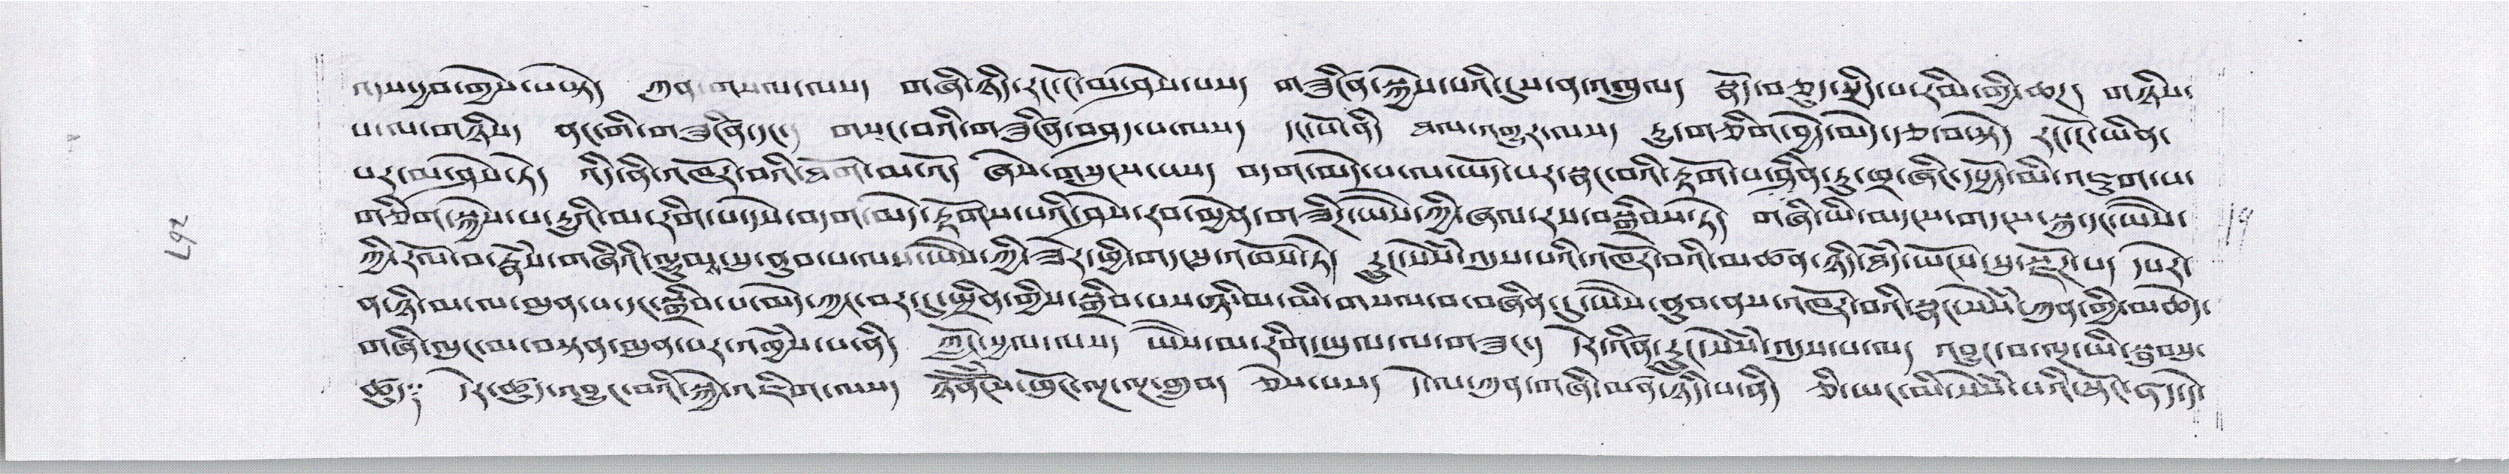འདས་རྒྱབ་གྱེས་པ་སྟེ། ཀུན་གསལ་ལས། གཞི་ཉིད་རང་ངོ་མ་ཤེས་པས། གཟུང་འཛིན་སྐྱེས་པའི་དུས་ན་འཁྲུལ། སྣོད་བཅུད་སྲིད་པ་རིམ་གྱི་ཆགས། གཉིས་
པ་ལ་གཉིས། ནང་གི་གཟུང་འཛིན་དང། གསང་བའི་གཟུང་འཛིན་བཤད་པ་ལས། དང་པོ་ནི། ཐལ་འགྱུར་ལས། རྒྱུ་གཅིག་བྱེད་མེད་རྩ་བ་སྟེ། རང་ངོ་ཡིན་
པར་མ་ཤེས་ཏེ། འདི་ནི་འཁོར་བའི་ཐོག་མའོ། ཞེས་གསུངས་པས། བདག་མེད་པ་ལ་ཡོད་པར་སྣང་བའི་རྟོག་པ་ཤིན་ཏུ་ཕྲ་ཞིང་དཔྱོད་མི་འཇུག་པ་
གཅིག་སྐྱེས་པ་རྒྱུའི་མ་རིག་པ་དེས་བདག་མེད་རྟོགས་པའི་ཤེས་རབ་མཁྱེན་གཟིགས་ཡེ་ཤེས་ཀྱི་ཞལ་རས་བསྒྲིབས་ཏེ། གཞི་ཡི་མདངས་གདངས་སྐུ་དང་ཡེ་ཤེས་
ཀྱི་རོལ་བ་རྣམས་གཞིའི་ལྷུམས་སུ་ནུབ་པ་ལས་ཡེ་ཤེས་ཀྱི་ཟེར་ཕྱི་གདངས་སུ་འཕོས་ཏེ། རླུང་སེམས་འདུས་པའི་འཁོར་བའི་མཚན་ཉིད་ཐམས་ཅད་ཡོངས་སུ་རྫོགས་པ། དཔེར་
ན་ཉི་མ་ལ་མུན་པ་དང་སྒྲིབ་པ་མེད་ཀྱང་བར་དུ་སྤྲིན་གྱིས་སྒྲིབ་པས་ཉི་མ་མི་གསལ་བ་བཞིན་དུ་ཡེ་ཤེས་ནུབ་ནས་འཁོར་བའི་སྣང་སེམས་ཀུན་གྱི་མཆེད་
གཞི་ལུང་མ་བསྟན་མུན་པར་འཁྱམས་པ་ནི། ཀློང་གསལ་ལས། ཡེ་ཤེས་མ་རིག་ཡུལ་ལ་གཟུང། དེར་འཛིན་རླུང་སེམས་འདུས་པ་ལ། འབྱུང་བ་ལྟ་ཡི་སྦུབས་སུ་
ཚུད། དེར་ཚུད་འབྱུང་བའི་སྐྱེ་འཇིག་ལས། ཉོན་མོངས་ཕུང་པོ་ལྔ་ལྔ་གྲུབ། ཅེས་པས། དེ་ལ་ཀུན་གཞི་མཚན་ཉིད་པ་ནི། ཅི་ཡང་མི་སེམས་པའི་སྟོང་ཧད་དེ་